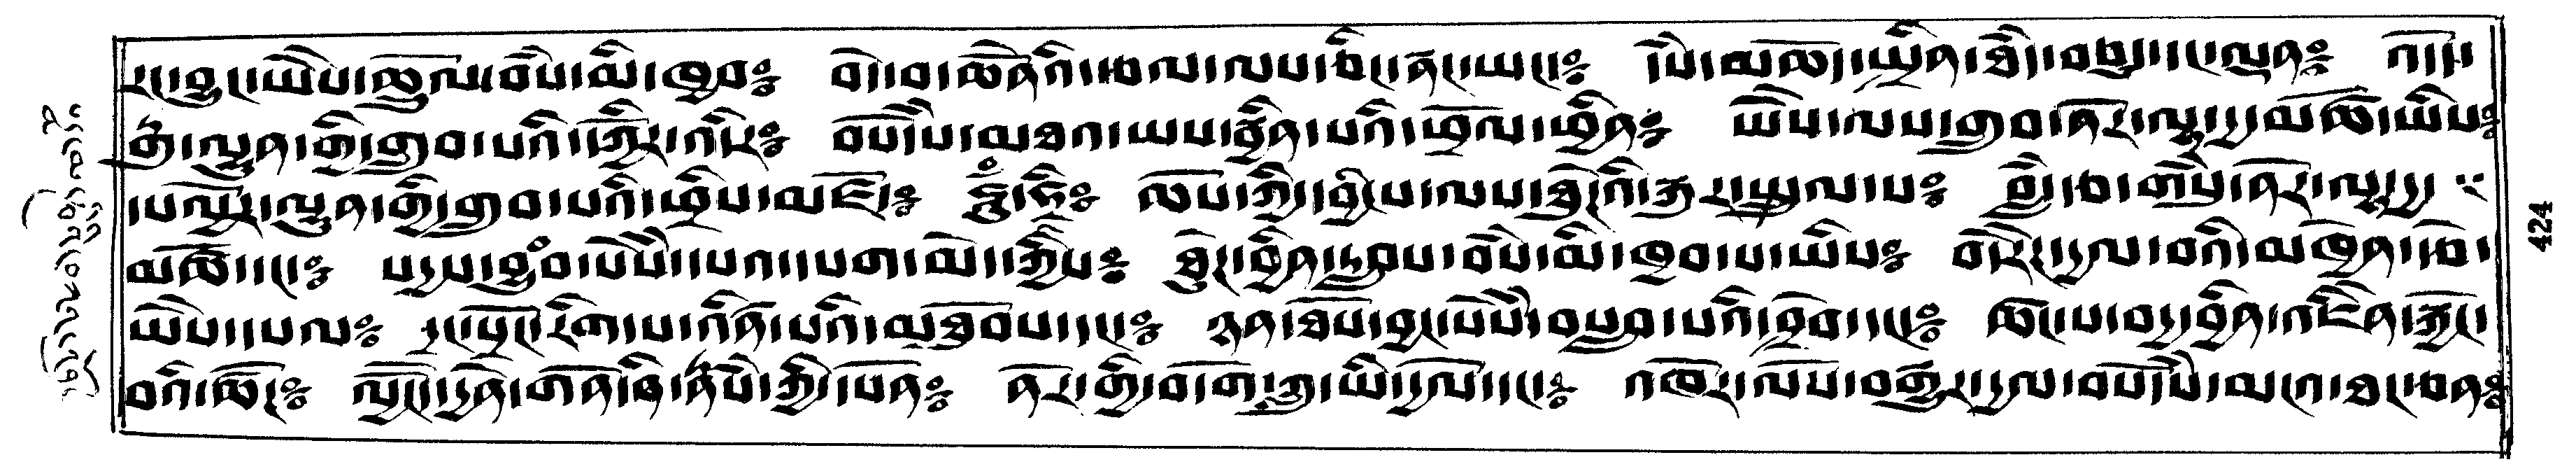རང་བྱུང་ཡེ་ཤེས་ཆོ་འཕྲུལ་བསམ་མི་ཁྱབ༔ བདེ་བ་ཆེན་པོའི་རྩལ་ལས་ཅིར་སྣང་ཡང༔ དམ་རྫས་མཆོད་སྤྲིན་ཐམས་ཅད་བཅུད་དང་ལྡན༔ འདོད་
རྒུལྷུན་གྱི་གྲུབ་པའི་དཀྱིལ་འཁོར་འདིར༔ བསོད་ནམས་མཐའ་ཡས་སྦྱིན་པའི་ཕ་རོལ་ཕྱིན༔ ཡེ་ཤེས་ལས་གྲུབ་ནོར་ལྷ་རྒྱ་མཚོ་ཡིས༔ 
དཔལ་འབྱོར་ལྷུན་གྱིས་གྲུབ་པའི་ཕྲིན་ལས་མཛོད༔ ཧཱུྃ་ཧྲཱིཿ ཆོས་ཀྱི་དབྱིངས་ལས་ཐུགས་རྗེའི་སྐུར་སྤྲུལ་པ༔ བླ་མ་རྩ་གསུམ་ནོར་ལྷ་རྒྱ་
མཚོ་དང༔ སངས་རྒྱས་བྱང་ཆུབ་སེམས་དཔའ་དཔག་མེད་ཀྱིས༔ ཐུགས་རྗེ་བྱིན་རླབས་བསམ་མི་ཁྱབ་པ་ཡིས༔ བདེ་གཤེགས་རྒྱལ་བའི་མཁྱེན་རྩེ་
ཡེ་ཤེས་དཔལ༔ དྲང་སྲོང་རིག་པ་འཛིན་པའི་མཐུ་སྟོབས་དང༔ ཉན་ཐོས་བྱང་སེམས་བསླབ་པའི་ཤེས་རབ་དང༔ ཚངས་པ་བརྒྱ་བྱིན་འཇིག་རྟེན་སྐྱོང་
བའི་ཚོགས༔ ལོངས་སྤྱོད་རྒྱ་ཆེན་གནོད་སྦྱིན་རྣམས་ཀྱི་དཔོན༔ ནོར་གྱི་བདག་པོ་ཀླུ་ཡི་རྒྱལ་པོ་དང༔ འཁོར་ལོས་བསྒྱུར་རྒྱལ་བསོད་ནམས་མངའ་ཐང་ཅན༔